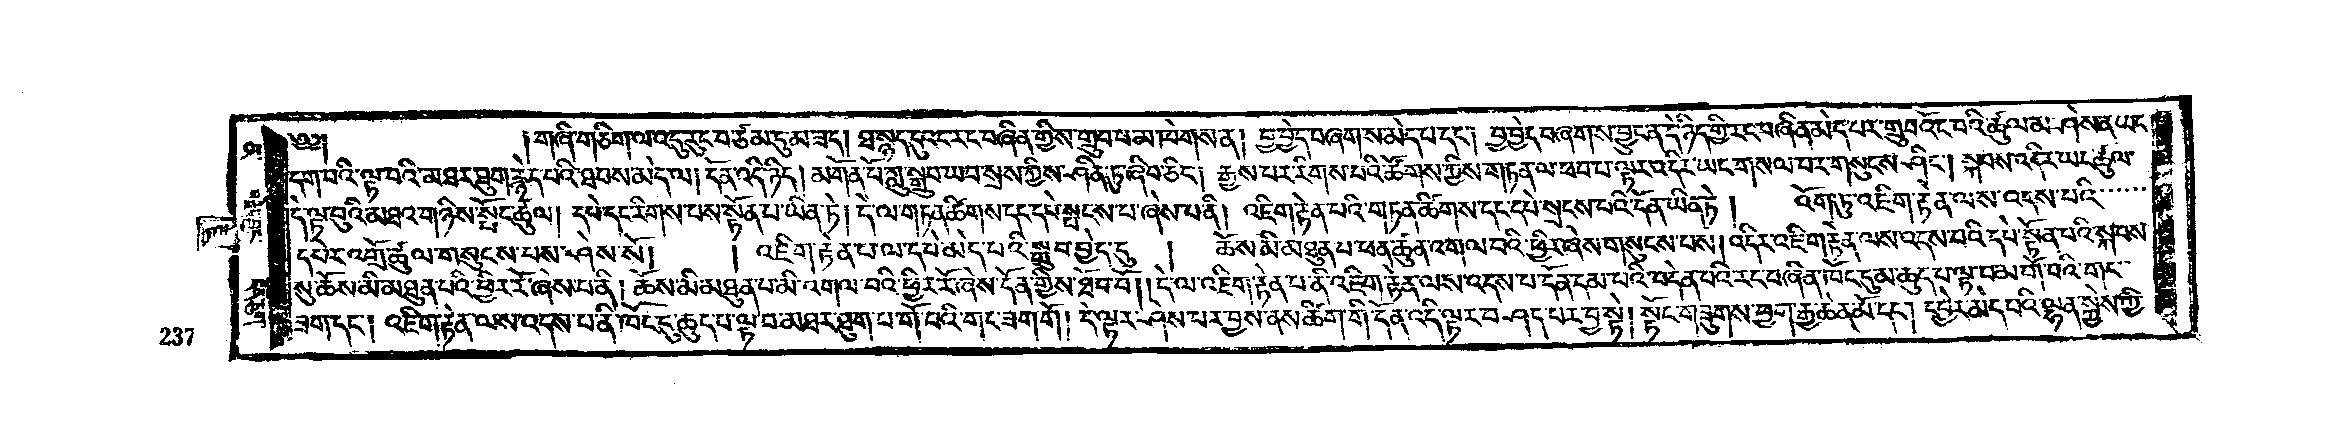༄༅། །གཞི་གཅིག་ལ་འདུ་རུང་བ་ཙམ་དུ་མ་ཟད། ཐ་སྙད་དུའང་རང་བཞིན་གྱིས་གྲུབ་པ་མ་ཁེགས་ན། བྱ་བྱེད་བཞག་ས་མེད་པ་དང་། བྱ་བྱེད་བཞག་ས་བྱུང་ན་དེ་ཉིད་གྱི་རང་བཞིན་མེད་པར་གྲུབ་འོང་བའི་ཚུལ་མ་ཤེས་ན་ཡང་
དག་པའི་ལྟ་བའི་མཐར་ཐུག་རྙེད་པའི་ཐབས་མེད་ལ། དོན་འདི་ཉིད། མགོན་པོ་ཀླུ་སྒྲུབ་ཡབ་སྲས་ཀྱིས་ཤིན་ཏུ་ཞིབ་ཅིང་། རྒྱས་པར་རིགས་པའི་ཚོགས་ཀྱིས་གཏན་ལ་ཕབ་པ་ལྟར་འདིར་ཡང་གསལ་བར་གསུངས་ཤིང་། སྐབས་འདིར་ཡང་ཚུལ་
དེ་ལྟ་བུའི་མཐའ་གཉིས་སྤོང་ཚུལ། དཔེ་དང་རིགས་པས་སྟོན་པ་ཡིན་ཏེ། དེ་ལ་གཏན་ཚིགས་དང་དཔེ་སྤངས་པ་ཞེས་པ་ནི། འཇིག་རྟེན་པའི་གཏན་ཚིགས་དང་དཔེ་སྤངས་པའི་དོན་ཡིན་ཏེ། འོག་ཏུ་འཇིག་རྟེན་ལས་འདས་པའི་
དཔེར་འགྲོ་ཚུལ་གསུངས་པས་ཤེས་སོ། །འཇིག་རྟེན་པ་ལ་དཔེ་མེད་པའི་སྒྲུབ་བྱེད་དུ། ཆོས་མི་མཐུན་པ་ཕན་ཚུན་འགལ་བའི་ཕྱིར་ཞེས་གསུངས་པས། འདིར་འཇིག་རྟེན་ལས་འདས་པའི་དཔེ་སྟོན་པའི་སྐབས་
སུ་ཆོས་མི་མཐུན་པའི་ཕྱིར་རོ་ཞེས་པ་ནི། ཆོས་མི་མཐུན་པ་མི་འགལ་བའི་ཕྱིར་རོ་ཞེས་དོན་གྱིས་ཐོབ་བོ། །དེ་ལ་འཇིག་རྟེན་པ་ནི་འཇིག་རྟེན་ལས་འདས་པ་དོན་དམ་པའི་བདེན་པའི་རང་བཞིན་ཁོང་དུ་མ་ཆུད་པ་ལྟ་བ་མ་གོ་བའི་གང་
ཟག་དང་། འཇིག་རྟེན་ལས་འདས་པ་ནི་ཁོང་དུ་ཆུད་པ་ལྟ་བ་མཐར་ཐུག་པ་གོ་བའི་གང་ཟག་གོ །དེ་ལྟར་ཤེས་པར་བྱས་ནས་ཚིག་གི་དོན་འདི་ལྟར་བཤད་པར་བྱ་སྟེ། སྟོང་གཟུགས་ཕྱག་རྒྱ་ཆེན་མོ་དང་། དབྱེར་མེད་པའི་ལྷན་སྐྱེས་ཀྱི་